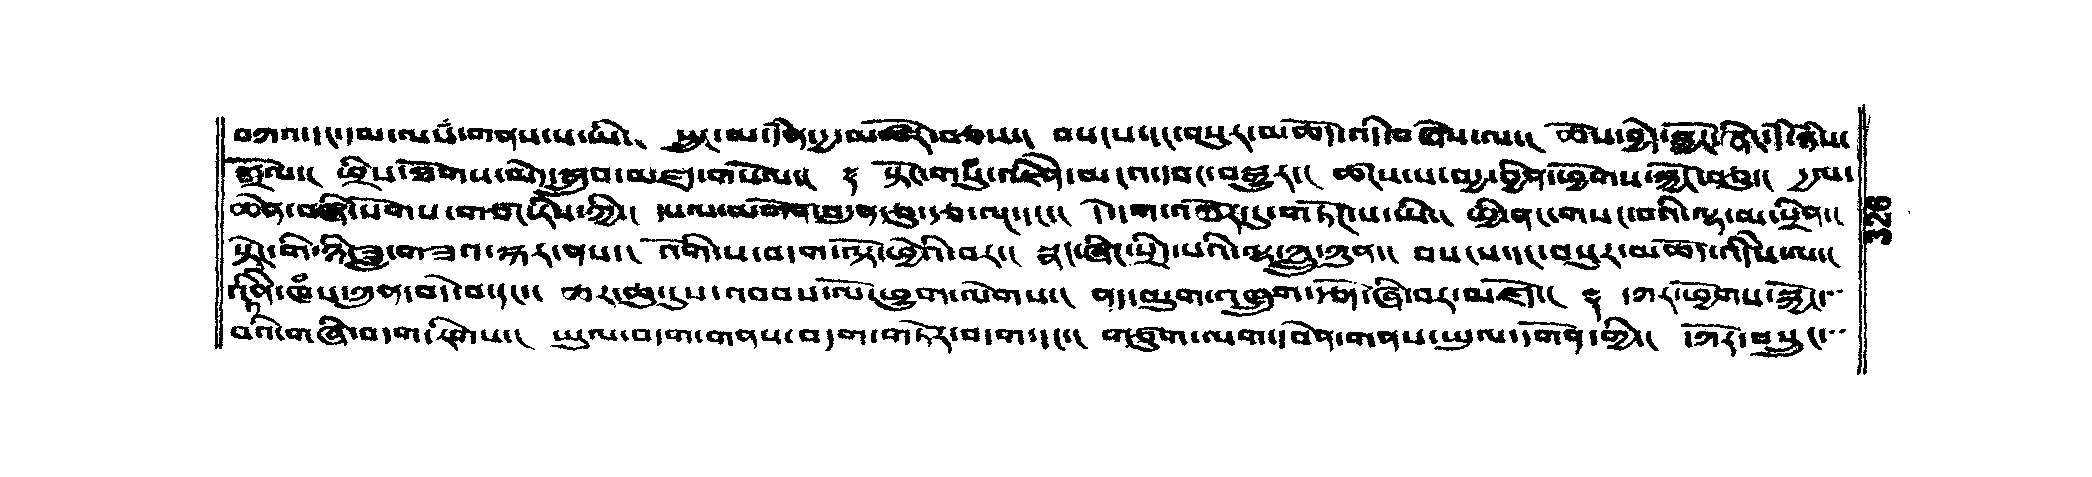བཀའ་དང་དམ་ལས་གནས་པ་ཡི། །སྲུང་མ་དམ་ཅན་རྒྱ་མཚོར་བཅས། །བསངས་དང་བསུར་མཆོད་འདི་བཞེས་ལ། །ཆོས་བྱེད་སྐྱོང་ཞིང་དམ་ཉམས་
སྒྲོལ། །ཕྲིན་ལས་ཐོགས་མེད་སྒྲུབ་མཛད་གསོལ། ། ༈ སྟོང་གསུམ་འཇིག་རྟེན་མངའ་དབང་བསྒྱུར། །ཚངས་པ་བརྒྱ་བྱིན་ཕྱོགས་སྐྱོང་བཅུ། །རྒྱལ་
ཆེན་བཞི་སོགས་གཙང་རིས་ཀྱི། །དཔལ་མགོན་བདུན་ཅུ་རྩ་ལྔ་དང་། །དེ་དག་འཁོར་དུ་གཏོགས་པ་ཡི། །ཕྱི་ནང་གསང་བའི་ལྷ་མ་སྲིན། །
སྟེང་གི་ཉི་ཟླ་གཟའ་སྐར་ནས། །འོག་གི་ས་བདག་ལྟོ་ཕྱེའི་བར། །སྣང་ཞིང་སྲིད་པའི་ལྷ་ཀླུ་ཀུན། །བསངས་དང་བསུར་མཆོད་འདིས་བཞེས་ལ། །
འཇིག་རྟེན་ཁམས་ཀུན་བདེ་བ་དང་། །ཆར་ཆུ་དུས་འབབས་ལོ་ཕྱུག་ལེགས། །ནད་མུག་འཁྲུག་རྩོད་ཞི་བར་མཛོད། ༈ དཀར་ཕྱོགས་སྐྱོང་
བའི་གཞི་བདག་རིགས། །ཡུལ་བདག་གནས་བདག་གཏེར་བདག་དང་། །གཙུག་ལག་དབེན་གནས་ཡུལ་དགོན་གྱི། །དཀོར་བསྲུང་